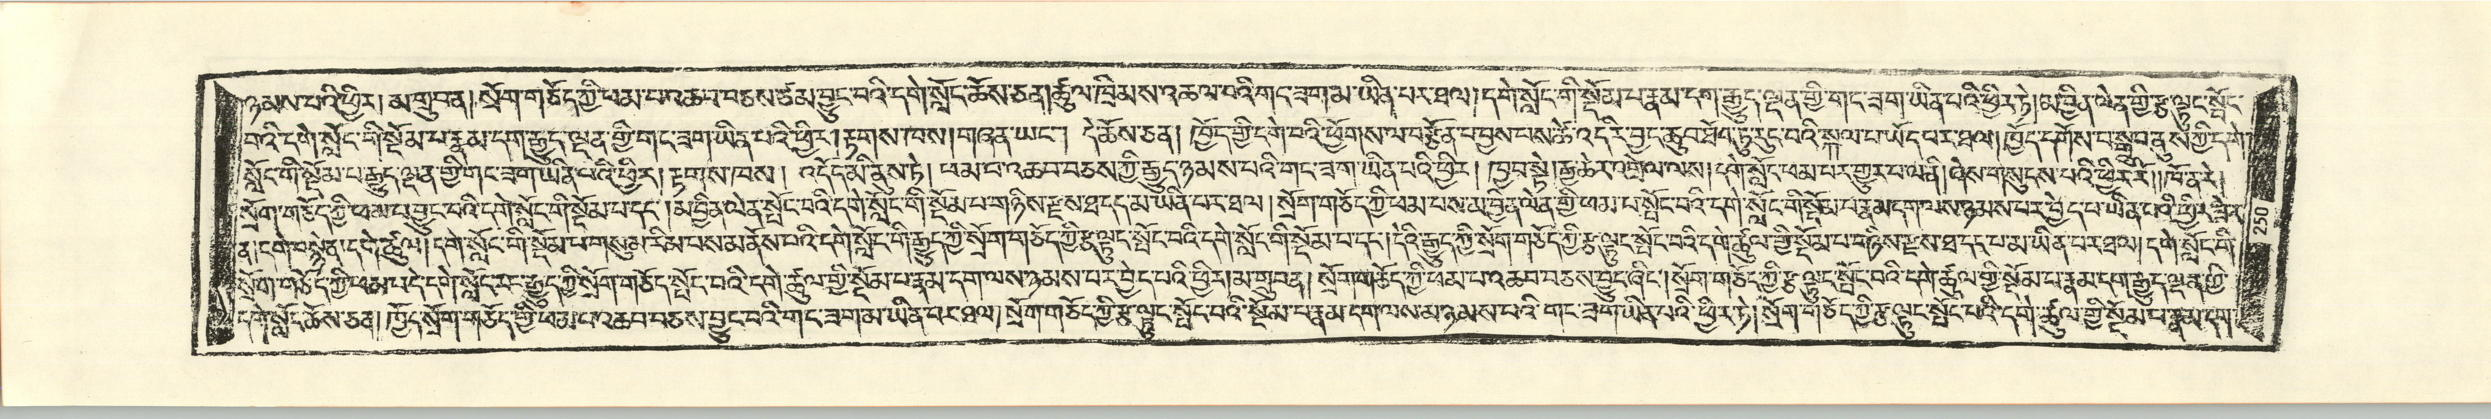ཉམས་པའི་ཕྱིར། མ་གྲུབ་ན། སྲོག་གཅོད་ཀྱི་ཕམ་པ་འཆབ་བཅས་ཙམ་བྱུང་བའི་དགེ་སློང་ཆོས་ཅན། ཚུལ་ཁྲིམས་འཆལ་བའི་གང་ཟག་མ་ཡིན་པར་ཐལ། དགེ་སློང་གི་སྡོམ་པ་རྣམ་དག་རྒྱུད་ལྡན་གྱི་གང་ཟག་ཡིན་པའི་ཕྱིར་ཏེ། མ་བྱིན་ལེན་གྱི་རྩ་ལྟུང་སྦོང་
བའི་དགེ་སློང་གི་སྡོམ་པ་རྣམ་དག་རྒྱུད་ལྡན་གྱི་གང་ཟག་ཡིན་པའི་ཕྱིར། རྟགས་ཁས། གཞན་ཡང་། དེ་ཆོས་ཅན། ཁྱོད་གྱི་དགེ་བའི་ཕྱོགས་ལ་བརྩོན་པ་བྱས་པས་ཚེ་འདིར་བྱང་ཆུབ་ཐོབ་ཏུ་རུང་བའི་སྐལ་བ་ཡོད་པར་ཐལ། ཁྱོད་དགོས་པ་སྒྲུབ་ནུས་ཀྱི་དགེ་
སློང་གི་སྡོམ་པ་རྒྱུད་ལྡན་གྱི་གང་ཟག་ཡིན་པའི་ཕྱིར། རྟགས་ཁས། འདོད་མི་ནུས་ཏེ། ཕམ་པ་འཆབ་བཅས་ཀྱི་རྒྱུད་ཉམས་པའི་གང་ཟག་ཡིན་པའི་ཕྱིར། ཁྱབ་སྟེ། རྒྱ་ཆེར་འགྲེལ་ལས། དགེ་སློང་ཕམ་པར་གྱུར་བ་ལ་ནི། ཞེས་གསུངས་པའི་ཕྱིར་རོ། །ཁོ་ན་རེ།
སྲོག་གཅོད་ཀྱི་ཕམ་པ་བྱུང་བའི་དགེ་སློང་གི་སྡོམ་པ་དང་། མ་བྱིན་ལེན་སྤོང་བའི་དགེ་སློང་གི་སྡོམ་པ་གཉིས་རྫས་ཐ་དད་མ་ཡིན་པར་ཐལ། སྲོག་གཅོད་ཀྱི་ཕམ་པས་མ་བྱིན་ལེན་གྱི་ཕམ་པ་སྤོང་བའི་དགེ་སློང་གི་སྡོམ་པ་རྣམ་དག་ལས་ཉམས་པར་བྱེད་པ་ཡིན་པའི་ཕྱིར་ཟེར་
ན། དགེ་བསྙེན་དགེ་ཚུལ། དགེ་སློང་གི་སྡོམ་པ་གསུམ་རིམ་པས་མ་ནོས་པའི་དགེ་སློང་གི་རྒྱུད་ཀྱི་སྲིག་གཅོད་ཀྱི་རྩ་ལྟུང་སྤོང་བའི་དགེ་སློང་གི་སྡོམ་པ་དང་། དེའི་རྒྱུད་ཀྱི་སྲོག་གཅོད་ཀྱི་རྩ་ལྟུང་སྤོང་བའི་དགེ་ཚུལ་གྱི་སྡོམ་པ་གཉིས་རྫས་ཐ་དད་པ་མ་ཡིན་པར་ཐལ། དགེ་སློང་གི་
སྲོག་གཅོད་ཀྱི་ཕམ་པ་དེ་དགེ་སློང་རང་རྒྱུད་ཀྱི་སྲོག་གཅོད་སྤོང་བའི་དགེ་ཚུལ་གྱི་སྡོམ་པར་རྣམ་དག་ལས་ཉམས་པར་བྱེད་པའི་ཕྱིར་མ་གྲུབ་ན། སྲོག་གཅོད་ཀྱི་ཕམ་པ་འཆབ་བཅས་བྱུང་ཞིང་། སྲོག་གཅོད་ཀྱི་རྩ་ལྟུང་སྤོང་བའི་དགེ་ཚུལ་གྱི་སྡོམ་པ་རནམ་དག་རྒྱུད་ལྡན་གྱི་
དགེ་སློང་ཆོས་ཅན། ཁྱོད་སྲོག་གཅོད་གྱི་ཕམ་པ་འཆབ་བཅས་བྱུང་བའི་གང་ཟག་མ་ཡིན་པར་ཐལ། སྲོག་གཅོད་ཀྱི་རྩས་ལྟུང་སྤོང་བའི་སྡོམ་པ་རྣམ་དག་ལས་མ་ཉམས་པའི་གང་ཟག་ཡིན་པའི་ཕྱིར་ཏེ། སྲོག་གཅོད་ཀྱི་རྩ་ལྟུང་སྤོང་བའི་དགེ་ཚུལ་གྱི་སྡོམ་པ་རྣམ་དག་